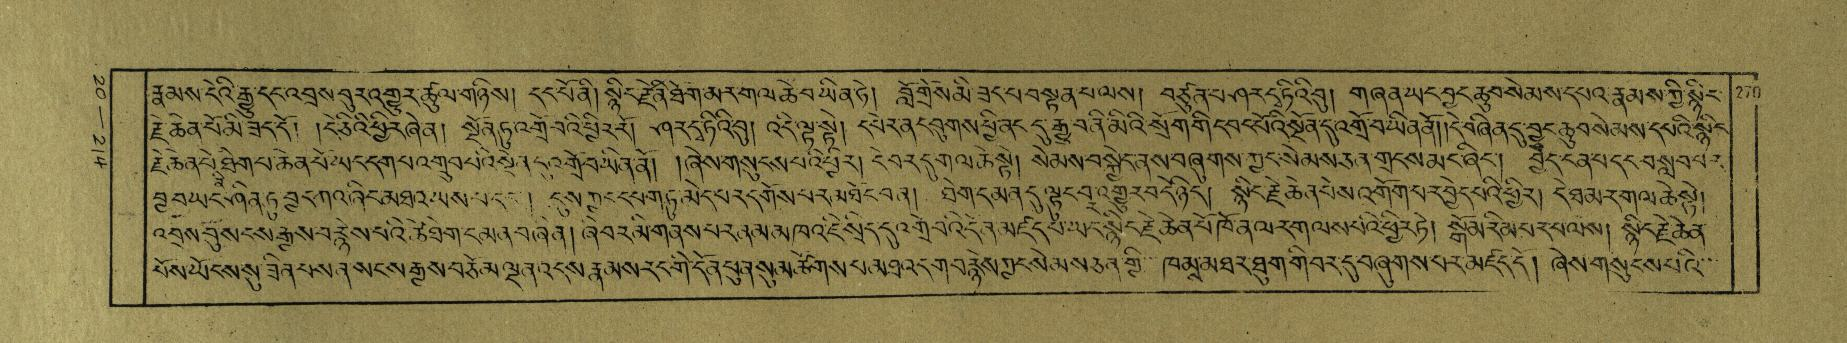རྣམས་དེའི་རྒྱུ་དང་འབྲས་བུར་འགྱུར་ཚུལ་གཉིས། དང་པོ་ནི། སྙིང་རྗེ་ནི་ཐོག་མར་གལ་ཆེ་བ་ཡིན་ཏེ། བློ་གྲོས་མི་ཟད་པ་བསྟན་པ་ལས། བཙུན་པ་ཤར་དྭ་ཏིའི་བུ། གཞན་ཡང་བྱང་ཆུབ་སེམས་དཔའ་རྣམས་ཀྱི་སྙིང་
རྗེ་ཆེན་པོ་མི་ཟད་དོ། །དེ་ཅིའི་ཕྱིར་ཞེ་ན། སྔོན་ཏུ་འགྲོ་བའི་ཕྱིར་རོ། ཤར་དྭ་ཏིའི་བུ། འདི་ལྟ་སྟེ། དཔེར་ན་དབུགས་ཕྱི་ནང་དུ་རྒྱུ་བ་ནི་མིའི་སྲོག་གི་དབང་པོའི་སྔོན་དུ་འགྲོ་བ་ཡིན་ནོ། །དེ་བཞིན་དུ་བྱང་ཆུབ་སེམས་དཔའི་སྙིང་
རྗེ་ཆེན་པོ་ནི་ཐེག་པ་ཆེན་པོ་ཡང་དག་པ་འགྲུབ་པའི་སྔོན་དུ་འགྲོ་བ་ཡིན་ནོ། །ཞེས་གསུངས་པའི་ཕྱིར། དེ་བར་དུ་གལ་ཆེ་སྟེ། སེམས་བསྐྱེད་ནས་བཞུགས་ཀྱང་སེམས་ཅན་གྲངས་མང་ཞིང་། བྱེད་ངན་པ་དང་བསླབ་པར་
བྱ་བ་ཡང་ཤིན་ཏུ་བྱ་དཀའ་ཞིང་མཐའ་ཡས་པ་དང་། དུས་ཀྱང་དཔག་ཏུ་མེད་པར་དགོས་པར་མཐོང་བ་ན། ཐེག་དམན་དུ་ལྟུང་བར་འགྱུར་བ་དེ་ཉིད། སྙིང་རྗེ་ཆེན་པོས་འགོག་པར་བྱེད་པའི་ཕྱིར། དེ་ཐ་མར་གལ་ཆེ་སྟེ།
འབྲས་བུ་སངས་རྒྱས་བརྙེས་པའི་ཚེ་ཐེག་དམན་བཞིན། ཞི་བར་མི་གནས་པར་ནམ་མཁའ་ཇི་སྲིད་དུ་འགྲོ་བའི་དོན་མཛད་པ་ཡང་སྙིང་རྗེ་ཆེན་པོ་ཁོ་ན་ལ་རག་ལས་པའི་ཕྱིར་ཏེ། སྒོམ་རིམ་པར་པ་ལས། སྙིང་རྗེ་ཆེན་
པོས་ཡོངས་སུ་ཟིན་པས་ན་སངས་རྒྱས་བཅོམ་ལྡན་འདས་རྣམས་རང་གི་དོན་ཕུན་སུམ་ཚོགས་པ་མཐའ་དག་བརྙེས་ཀྱང་སེམས་ཅན་གྱི་ཁམས་མཐར་ཐུག་གི་བར་དུ་བཞུགས་པར་མཛད་དོ། ཞེས་གསུངས་པའི་